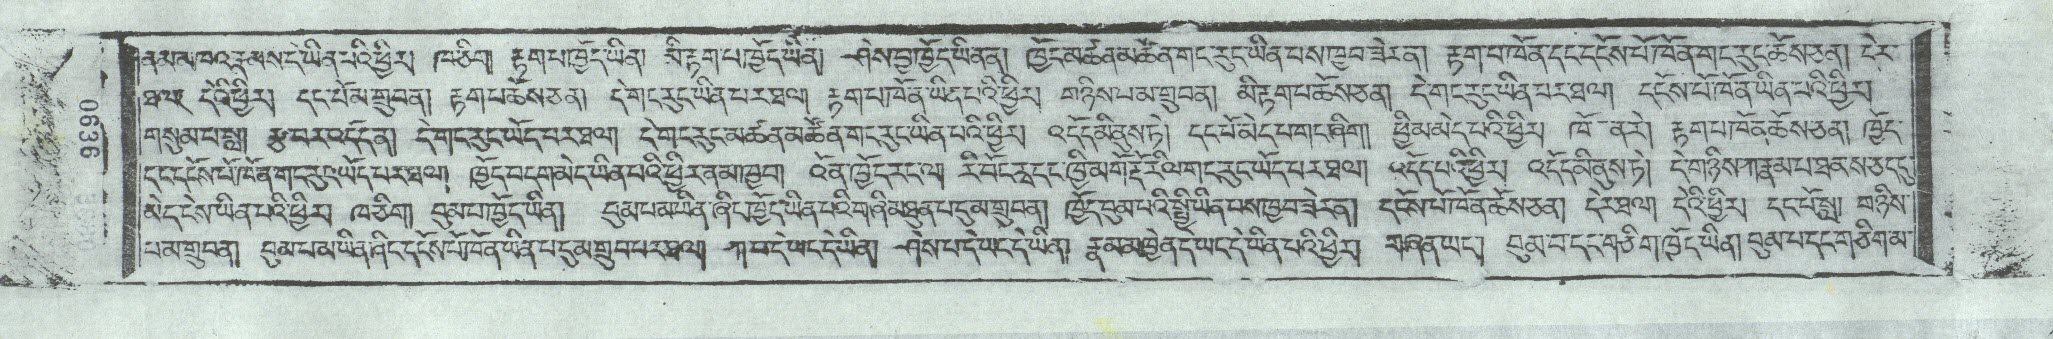ནམ་མཁའ་རྣམས་དེ་ཡིན་པའི་ཕྱིར། ཁ་ཅིག། རྟག་པ་ཁྱོད་ཡིན། མི་རྟག་པ་ཁྱོད་ཡིན། ཤེས་བྱ་ཁྱོད་ཡིན་ན། ཁྱོད་མཚན་མཚོན་གང་རུང་ཡིན་པས་ཁྱབ་ཟེར་ན། རྟག་པ་ཁོ་ན་དང་དངོས་པོ་ཁོ་ན་གང་རུང་ཆོས་ཅན། དེར་
ཐལ༑ དེའི་ཕྱིར། དང་པོ་མ་གྲུབ་ན། རྟག་པ་ཆོས་ཅན། དེ་གང་རུང་ཡིན་པར་ཐལ། རྟག་པ་ཁོ་ན་ཡིན་པའི་ཕྱིར། གཉིས་པ་མ་གྲུབ་ན། མི་རྟག་པ་ཆོས་ཅན། དེ་གང་རུང་ཡིན་པར་ཐལ། དངོས་པོ་ཁོ་ན་ཡིན་པའི་ཕྱིར།
གསུམ་པ་སླ། རྩ་བར་འདོད་ན། དེ་གང་རུང་ཡོད་པར་ཐལ། དེ་གང་རུང་མཚན་མཚོན་གང་རུང་ཡིན་པའི་ཕྱིར། འདོད་མི་ནུས་ཏེ། དང་པོ་མེད་པ་གང་ཞིག། ཕྱི་མ་མེད་པའི་ཕྱིར། ཁོ་ན་རེ། རྟག་པ་ཁོ་ན་ཆོས་ཅན། ཁྱོད་
དང་དངོས་པོ་ཁོ་ན་གང་རུང་ཡོད་པར་ཐལ། ཁྱོད་བདག་མེད་ཡིན་པའི་ཕྱིར་ན་མ་ཁྱབ། འོ་ན་ཁྱོད་རང་ལ། རི་བོང་རྭ་དང་ཁྱི་མགོ་རྡོ་རིལ་གང་རུང་ཡོད་པར་ཐལ། འདོད་པའི་ཕྱིར། འདོད་མི་ནུས་ཏེ། དེ་གཉིས་ཀ་རྣམ་པ་ཐམས་ཅད་དུ་
མེད་ངེས་ཡིན་པའི་ཕྱིར། ཁ་ཅིག། བུམ་པ་ཁྱོད་ཡིན། བུམ་པ་མ་ཡིན་ཞིང་ཁྱོད་ཡིན་པའི་གཞི་མཐུན་པ་དུ་མ་གྲུབ་ན། ཁྱོད་བུམ་པའི་སྤྱི་ཡིན་པས་ཁྱབ་ཟེར་ན། དངོས་པོ་ཁོ་ན་ཆོས་ཅན། དེར་ཐལ། དེའི་ཕྱིར། དང་པོ་སླ། གཉིས་
པ་མ་གྲུབ་ན། བུམ་པ་མ་ཡིན་ཞིང་དངོས་པོ་ཁོ་ན་ཡིན་པ་དུ་མ་གྲུབ་པར་ཐལ། ཀ་བ་དེ་ཡང་དེ་ཡིན། ཤེས་པ་དེ་ཡང་དེ་ཡིན། རྣམ་མཁྱེན་དེ་ཡང་དེ་ཡིན་པའི་ཕྱིར། གཞན་ཡང་། བུམ་པ་དང་གཅིག་ཁྱོད་ཡིན། བུམ་པ་དང་གཅིག་མ་